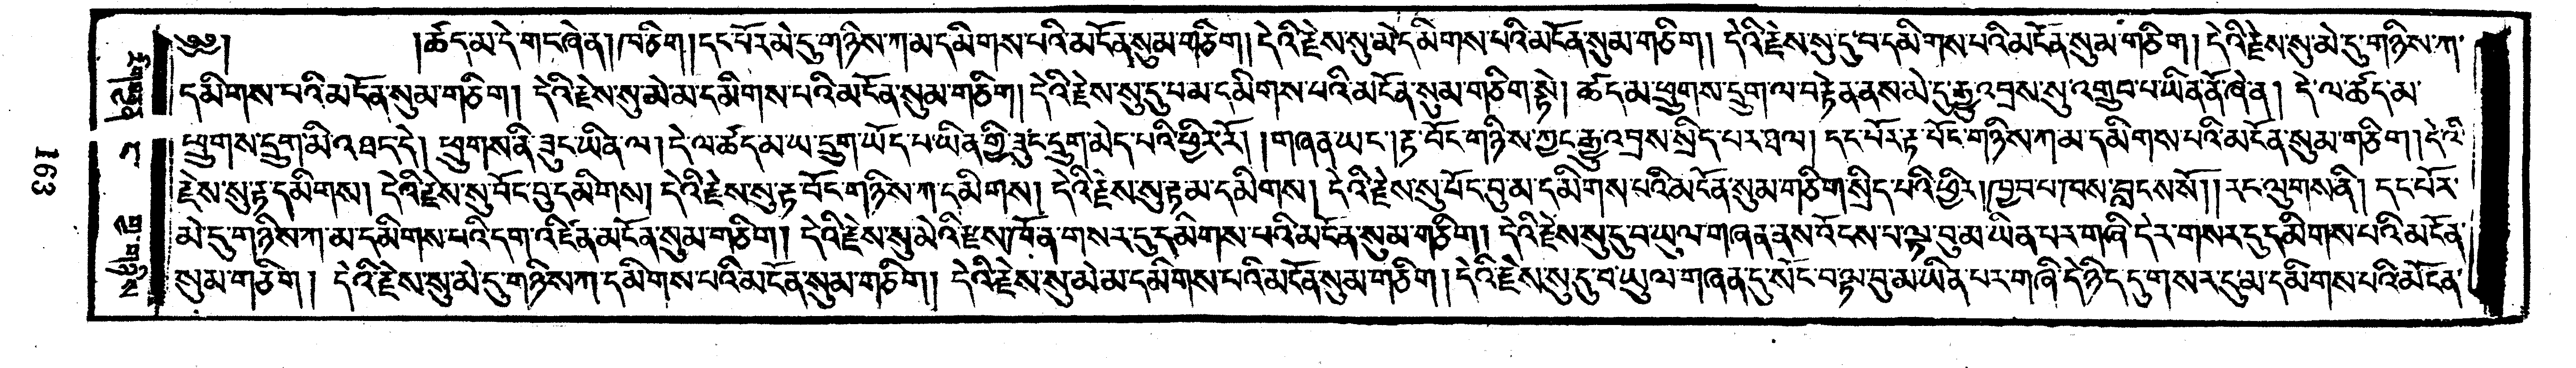༄༅། །ཚད་མ་དེ་གང་ཞེ་ན། ཁ་ཅིག །དང་པོར་མེ་དུ་གཉིས་ཀ་མ་དམིགས་པའི་མངོན་སུམ་གཅིག །དེའི་རྗེས་སུ་མེ་དམིགས་པའི་མངོན་སུམ་གཅིག །དེའི་རྗེས་སུ་དུ་བ་དམིགས་པའི་མངོན་སུམ་གཅིག །དེའི་རྗེས་སུ་མེ་དུ་གཉིས་ཀ་
དམིགས་པའི་མངོན་སུམ་གཅིག །དེའི་རྗེས་སུ་མེ་མ་དམིགས་པའི་མངོན་སུམ་གཅིག །དེའི་རྗེས་སུ་དུ་བ་མ་དམིགས་པའི་མངོན་སུམ་གཅིག་སྟེ། ཚད་མ་ཕྲུགས་དྲུག་ལ་བརྟེན་ནས་མེ་དུ་རྒྱུ་འབྲས་སུ་འགྲུབ་པ་ཡིན་ནོ་ཞེ་ན། དེ་ལ་ཚད་མ་
ཕྲུགས་དྲུག་མི་འཐད་དེ། ཕྲུགས་ནི་ཟུང་ཡིན་ལ། དེ་ལ་ཚད་མ་ཡ་དྲུག་ཡོད་པ་ཡིན་གྱི་ཟུང་དྲུག་མེད་པའི་ཕྱིར་རོ། །གཞན་ཡང་། རྟ་བོང་གཉིས་ཀྱང་རྒྱུ་འབྲས་སྲིད་པར་ཐལ། དང་པོར་རྟ་བོང་གཉིས་ཀ་མ་དམིགས་པའི་མངོན་སུམ་གཅིག །དེའི་
རྗེས་སུ་རྟ་དམིགས། དེའི་རྗེས་སུ་བོང་བུ་དམིགས། དེའི་རྗེས་སུ་རྟ་བོང་གཉིས་ཀ་དམིགས། དེའི་རྗེས་སུ་རྟ་མ་དམིགས། དེའི་རྗེས་སུ་བོང་བུ་མ་དམིགས་པའི་མངོན་སུམ་གཅིག་སྲིད་པའི་ཕྱིར། ཁྱབ་པ་ཁས་བླངས་སོ། །རང་ལུགས་ནི། དང་པོར་
མེ་དུ་གཉིས་ཀ་མ་དམིགས་པའི་དག་འཛིན་མངོན་སུམ་གཅིག །དེའི་རྗེས་སུ་མེའི་རྫས་ཁོ་ན་གསར་དུ་དམིགས་པའི་མངོན་སུམ་གཅིག །དེའི་རྗེས་སུ་དུ་བ་ཡུལ་གཞན་ནས་འོངས་པ་ལྟ་བུ་མ་ཡིན་པར་གཞི་དེར་གསར་དུ་དམིགས་པའི་མངོན་
སུམ་གཅིག །དེའི་རྗེས་སུ་མེ་དུ་གཉིས་ཀ་དམིགས་པའི་མངོན་སུམ་གཅིག །དེའི་རྗེས་སུ་མེ་མ་དམིགས་པའི་མངོན་སུམ་གཅིག །དེའི་རྗེས་སུ་དུ་བ་ཡུལ་གཞན་དུ་སོང་བ་ལྟ་བུ་མ་ཡིན་པར་གཞི་དེ་ཉིད་དུ་གསར་དུ་མ་དམིགས་པའི་མངོན་